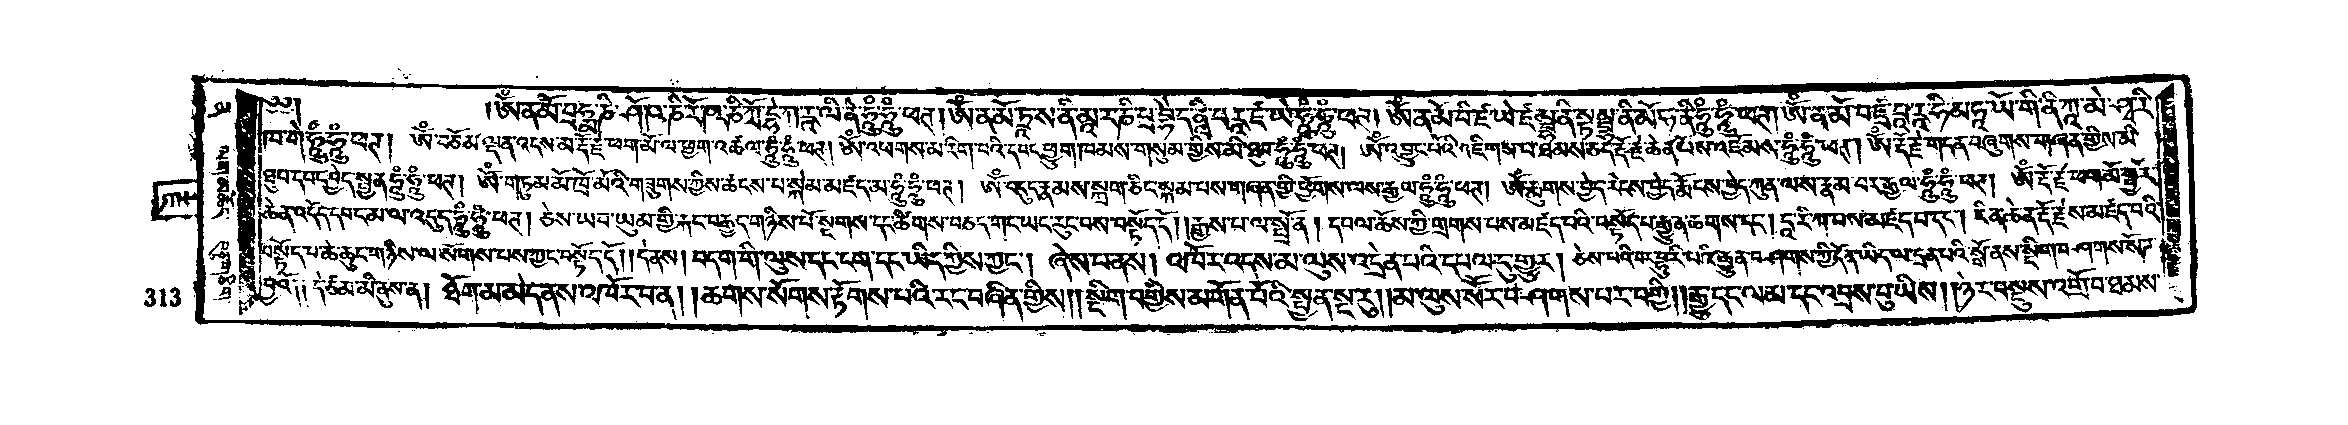༄༅། །ཨོཾ་ན་མོ་པྲཧྨ་ཎི་ཤོ་ཥ་ཎི་རོ་ཥ་ཎི་ཀྲོ་དྷེ་ཀ་རཱ་ལི་ནེ་ཧཱུཾ་ཧཱུཾ་ཕཊ། ཨོཾ་ན་མོ་ཏྲཱ་ས་ནི་མཱ་ར་ཎི་པྲ་བྷཻ་ད་ནཱི་པ་རཱ་ཛ་ཡེ་ཧཱུཾ་ཧཱུཾ་ཕཊ། ཨོཾ་ན་མོ་བེ་ཛ་ཡེ་ཛ་མྦྷ་ནི་སྟ་མྦྷ་ནི་མོ་ཧ་ནི་ཧཱུཾ་ཧཱུཾ་ཕཊ། ཨོཾ་ན་མོ་བཛྲ་པཱ་རཱ་ཧི་མཧཱ་ཡོ་གི་ནི་ཀཱ་མེ་ཤྭ་རི་
ཁ་གེ་ཧཱུཾ་ཧཱུཾ་ཕཊ། ཨོཾ་བཅོམ་ལྡན་འདས་མ་རྡོ་རྗེ་ཕག་མོ་ལ་ཕྱག་འཚལ་ཧཱུཾ་ཧཱུཾ་ཕཊ། ཨོཾ་འཕགས་མ་རིག་པའི་དབང་ཕྱུག་ཁམས་གསུམ་གྱིས་མི་ཐུབ་ཧཱུཾ་ཧཱུཾ་ཕཊ། ཨོམ་འབྱུང་པོའི་འཇིགས་པ་ཐམས་ཅད་རྡོ་རྗེ་ཆེན་པོས་འཇོམས་ཧཱུཾ་ཧཱུཾ་ཕཊ། ཨོཾ་རྡོ་རྗེ་གདན་བཞུགས་བགྮན་གྱིས་མི་
ཐུབ་དབང་བྱེད་སྤྱན་ཧཱུཾ་ཧཱུཾ་ཕཊ། ཨོཾ་གཏུམ་མོ་ཁྲོ་མོའི་གཟུགས་ཀྱིས་ཚངས་པ་སྐེམ་མཛད་མ་ཧཱུཾ་ཧཱུཾ་ཕཊ། ཨོཾ་བདུད་རྣམས་སྐྲག་ཅིང་སྐེམ་པས་གཞན་གྱི་ཕྱོགས་ལས་རྒྱལ་ཧཱུཾ་ཧཱུཾ་ཕཊ། ཨོཾ་རྨུགས་བྱེད་རེངས་བྱེད་རྨོངས་བྱེད་ཀུན་ལས་རྣམ་པར་རྒྱལ་ཧཱུཾ་ཧཱུཾ་ཕཊ། ཨོཾ་རྡོ་རྗེ་ཕག་མོ་སྦྱོར་
ཆེན་འདོད་དབང་མ་ལ་འདུད་ཧཱུཾ་ཧཱུཾ་ཕཊ། ཅེས་ཡབ་ཡུམ་གྱི་རྐང་བརྒྱད་གཉིས་པོ་སྔགས་དང་ཚིགས་བཅད་གང་ཡང་རུང་བས་བསྟོད་དོ། །རྒྱས་པ་ལ་སྤྲོ་ན། དཔལ་ཆོས་ཀྱི་གྲགས་པས་མཛད་པའི་བསྟོད་པ་རྒྱུན་ཆགས་དང་། དཱ་རི་ཀ་པས་མཛད་པ་དང་། རིན་ཆེན་རྡོ་རྗེས་མཛད་པའི་
བསྟོད་པ་ཆེ་ཆུང་གཉིས་ལ་སོགས་པས་ཀྱང་བསྟོད་དོ། །དེ་ནས། བདག་གི་ལུས་དང་ངག་དང་ཡིད་ཀྱིས་ཀྱང་། ཞེས་པ་ནས། འཁོར་འདས་མ་ལུས་འདྲེན་པའི་དཔལ་དུ་གྱུར། ཅེས་པའི་བར་བྷུ་རི་པའི་རྒྱུན་བཤགས་ཀྱི་དོན་ཡིད་ལ་དྲན་པའི་སྒོ་ནས་སྡིག་བཤགས་སོགས་
བྱའོ༑ ༑དེ་ཙམ་མི་ནུས་ན། ཐོག་མ་མེད་ནས་འཁོར་བ་ན། །ཆགས་སོགས་རྟོགས་པའི་རང་བཞིན་གྱིས། །སྡིག་བགྱིས་མགོན་པོའི་སྤྱན་སྔ་རུ། །མ་ལུས་སཽར་བཤགས་པར་བགྱི། །རྒྱུ་དང་ལམ་དང་འབྲས་བུ་ཡིས། །ཉེར་བསྡུས་འགྲོ་བ་ཐམས་